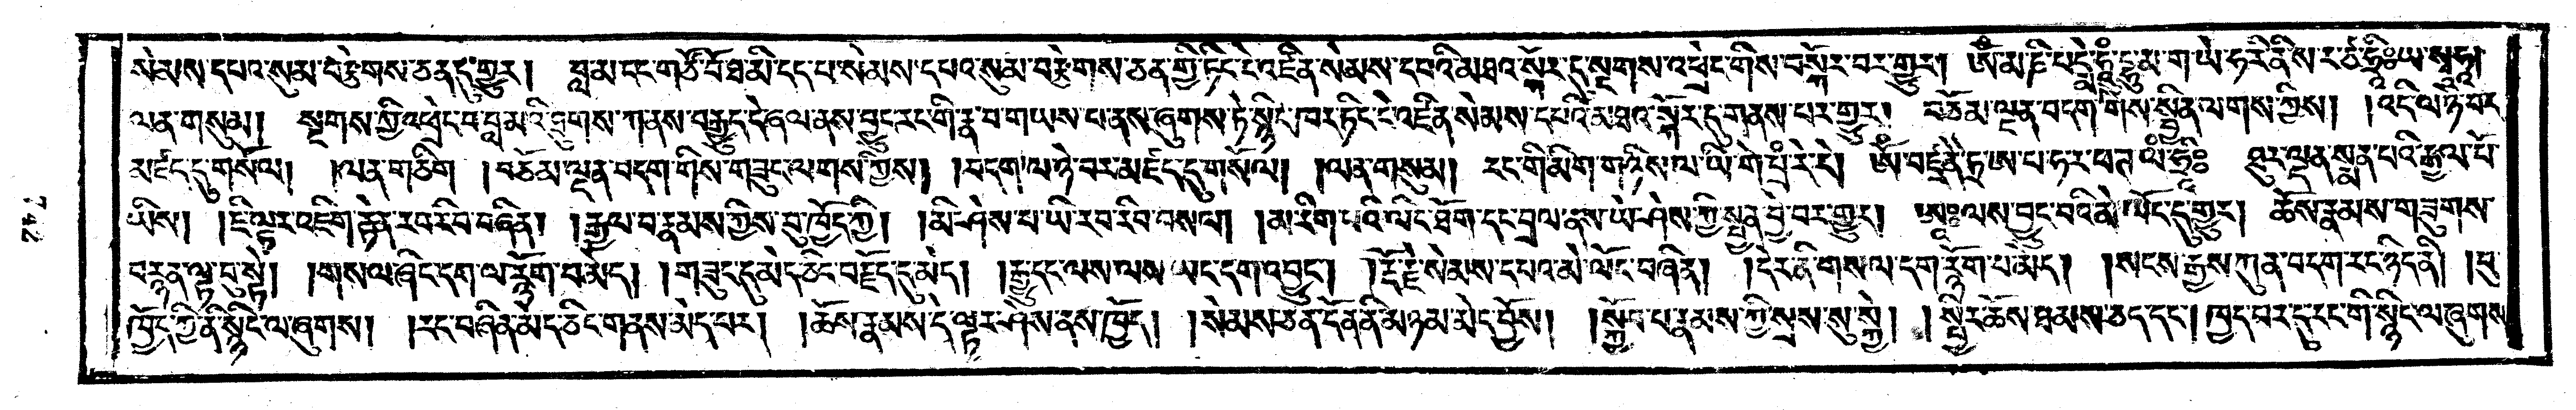སེམས་དཔའ་སུམ་བརྩེགས་ཅན་དུ་གྱུར། བླ་མ་དང་གཙོ་བོ་ཐ་མི་དད་པ་སེམས་དཔའ་སུམ་བརྩེགས་ཅན་གྱི་ཏིང་ངེ་འཛིན་སེམས་དཔའི་མཐའ་སྐོར་དུ་སྔགས་འཕྲེང་གིས་བསྐོར་བར་གྱུར། ཨོཾ་མ་ཎི་པདམེ་ཧཱུཾ་དྷུ་མ་ག་ཡེ་ཧ་རི་ནི་ས་ར་ཙ་ཧྲཱིཿཡ་སྭཱཧཱ།
ལན་གསུམ། སྔགས་ཀྱི་འཕྲེང་བ་བླ་མའི་ཐུགས་ཀ་ནས་བརྒྱུད་དེ་ཞལ་ནས་བྱུང་རང་གི་རྣ་བ་གཡས་པ་ནས་ཞུགས་ཏེ་སྙིང་ཁར་ཏིང་ངེ་འཛིན་སེམས་དཔའི་མཐའ་སྐོར་དུ་གནས་པར་གྱུར། བཅོམ་ལྡན་བདག་གིས་སྦྱིན་ལགས་ཀྱིས། །འདི་ལ་ཉེ་བར་
མཛད་དུ་གསོལ། །ལན་གཅིག །བཅོམ་ལྡན་བདག་གིས་གཟུང་ལགས་ཀྱིས། །བདག་ལ་ཉེ་བར་མཛད་དུ་གསོལ། །ལན་གསུམ། རང་གི་མིག་གཉིས་ལ་ཡི་གེ་པྲཾ་རེ་རེ། ཨོཾ་བཛྲ་ནཻ་ཏྲ་ཨ་པ་ཧ་ར་ཕཊ་ལཾ་ཧྲཱིཿ ཐུར་ལྡན་སྨན་པའི་རྒྱལ་པོ་
ཡིས། །ཇི་ལྟར་འཇིག་རྟེན་རབ་རིབ་བཞིན། །རྒྱལ་བ་རྣམས་ཀྱིས་བུ་ཁྱོད་ཀྱི། །མི་ཤེས་པ་ཡི་རབ་རིབ་བསལ། །མ་རིག་པའི་ལིང་ཐོག་དང་བྲལ་ནས་ཡེ་ཤེས་ཀྱི་སྤྱན་བྱེ་བར་གྱུར། ཨཱཿལས་བྱུང་བའི་མེ་ལོང་དུ་གྱུར། ཆོས་རྣམས་གཟུགས་
བརྙན་ལྟ་བུ་སྟེ། །གསལ་ཞིང་དག་ལ་རྙོག་པ་མེད། །གཟུང་དུ་མེད་ཅིང་བརྗོད་དུ་མེད། །རྒྱུ་དང་ལས་ལས་ཡང་དག་འབྱུང་། །རྡོ་རྗེ་སེམས་དཔའ་མེ་ལོང་བཞིན། །དེར་ནི་གསལ་དག་རྙོག་པ་མེད། །སངས་རྒྱས་ཀུན་བདག་རང་ཉིད་ནི། །བུ་
ཁྱོད་ཀྱི་ནི་སྙིང་ལ་ཞུགས། །རང་བཞིན་མེད་ཅིང་གནས་མེད་པར། །ཆོས་རྣམས་དེ་ལྟར་ཤེས་ནས་ཁྱོད། །སེམས་ཅན་དོན་ནི་མཉམ་མེད་བྱོས། །སྐྱོབ་པ་རྣམས་ཀྱི་སྲས་སུ་སྐྱེ། །སྤྱིར་ཆོས་ཐམས་ཅད་དང་། ཁྱད་པར་དུ་རང་གི་སྙིང་ལ་ཞུགས་